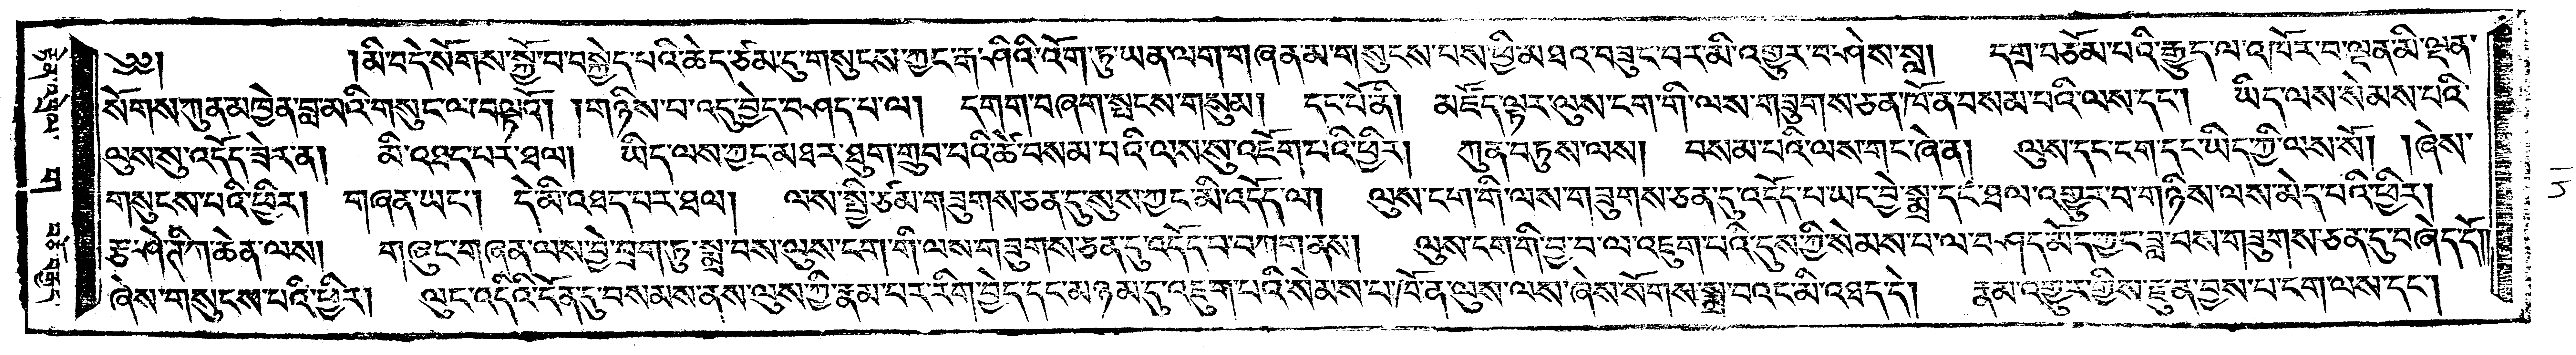༄༅། །མི་བདེ་སོགས་སྐྱོ་བ་བསྐྱེད་པའི་ཆེད་ཙམ་དུ་གསུངས་ཀྱང་རྒ་ཤིའི་འོག་ཏུ་ཡན་ལག་གཞན་མ་གསུངས་པས་ཕྱི་མཐའ་བཟུང་བར་མི་འགྱུར་བ་ཤེས་སླ། དགྲ་བཅོམ་པའི་རྒྱུད་ལ་འཁོར་བ་ལྡན་མི་ལྡན་
སོགས་ཀུན་མཁྱེན་བླ་མའི་གསུང་ལ་བལྟའོ། །གཉིས་པ་འདུ་བྱེད་བཤད་པ་ལ། དགག་བཞག་སྤངས་གསུམ། དང་པོ་ནི། མཛོད་ལྟར་ལུས་ངག་གི་ལས་གཟུགས་ཅན་ཁོ་ན་བསམ་པའི་ལས་དང་། ཡིད་ལས་སེམས་པའི་
ལུས་སུ་འདོད་ཟེར་ན། མི་འཐད་པར་ཐལ། ཡིད་ལས་ཀྱང་མཐར་ཐུག་གྲུབ་པའི་ཚེ་བསམ་པའི་ལས་སུ་འཇོག་པའི་ཕྱིར། ཀུན་བཏུས་ལས། བསམ་པའི་ལས་གང་ཞེ་ན། ལུས་དང་ངག་དང་ཡིད་ཀྱི་ལས་སོ། །ཞེས་
གསུངས་པའི་ཕྱིར། གཞན་ཡང་། དེ་མི་འཐད་པར་ཐལ། ལས་སྤྱི་ཙམ་གཟུགས་ཅན་དུ་སུས་ཀྱང་མི་འདོད་ལ། ལུས་ངག་གི་ལས་གཟུགས་ཅན་དུ་འདོད་པ་ཡང་བྱེ་སྨྲ་དང་ཐལ་འགྱུར་བ་གཉིས་ལས་མེད་པའི་ཕྱིར།
རྩ་ཤེ་ཊི་ཀ་ཆེན་ལས། གཞུང་གཞན་ལས་བྱེ་བྲག་ཏུ་སྨྲ་བས་ལུས་ངག་གི་ལས་གཟུགས་ཅན་དུ་འདོད་པ་བཀག་ནས། ལུས་ངག་གི་བྱ་བ་ལ་འཇུག་པའི་དུས་ཀྱི་སེམས་པ་ལ་བཤད་མོད་ཀྱང་ཟླ་བས་གཟུགས་ཅན་དུ་བཞེད་དོ།
ཞེས་གསུངས་པའི་ཕྱིར། ལུང་འདིའི་དོན་དུ་བསམས་ནས་ལུས་ཀྱི་རྣམ་པར་རིག་བྱེད་དང་མཉམ་དུ་འཇུག་པའི་སེམས་པ་ཁོ་ན་ལུས་ལས་ཞེས་སོགས་སྨྲ་བའང་མི་འཐད་དེ། རྣམ་འགྱུར་གྱིས་རྫུན་བྱས་པ་ངག་ལས་དང་།